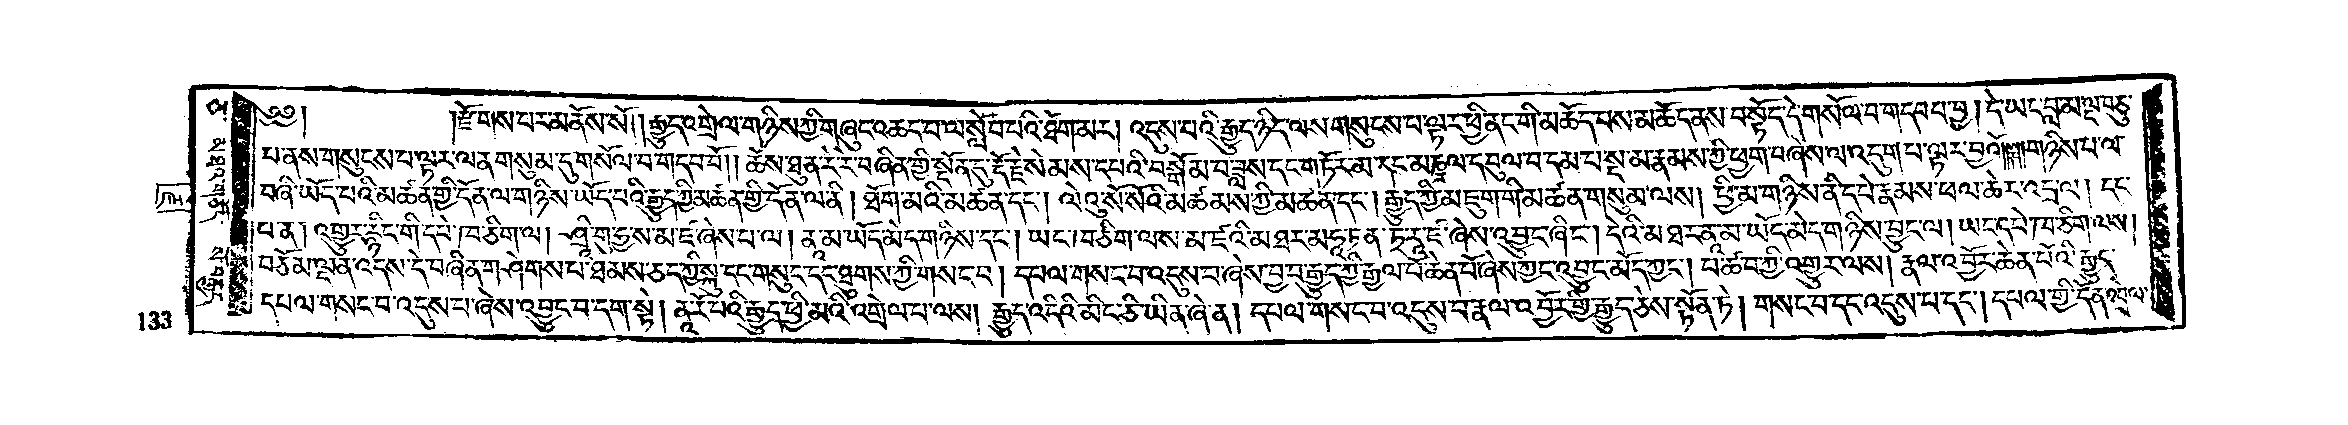༄༅། །རྫོགས་པར་མནོས་སོ། །རྒྱུད་འགྲེལ་གཉིས་ཀྱི་གཞུང་འཆད་པ་ལ་སློབ་པའི་ཐོག་མར། འདུས་པའི་རྒྱུད་ཉིད་ལས་གསུངས་པ་ལྟར་ཕྱི་ནང་གི་མཆོད་པས་མཆོད་ནས་བསྟོད་དེ་གསོལ་བ་གདབ་པ་བྱ། དེ་ཡང་བླ་མ་ལྔ་བཅུ་
པ་ནས་གསུངས་པ་ལྟར་ལན་གསུམ་དུ་གསོལ་བ་གདབ་བོ། །ཆོས་ཐུན་རེ་རེ་བཞིན་གྱི་སྔོན་དུ་རྡོ་རྗེ་སེམས་དཔའི་བསྒོམ་བཟླས་དང་གཏོར་མ་དང་མཎྜལ་དབུལ་བ་དམ་པ་སྔ་མ་རྣམས་ཀྱི་ཕྱག་བཞེས་ལ་འདུག་པ་ལྟར་བྱའོ། །གཉིས་པ་ལ་
བཞི་ཡོད་པའི་མཚན་གྱི་དོན་ལ་གཉིས་ཡོད་པའི་རྒྱུད་ཀྱི་མཚན་གྱི་དོན་ལ་ནི། ཐོག་མའི་མཚན་དང་། ལེའུ་སོ་སོའི་མཚམས་ཀྱི་མཚན་དང་། རྒྱུད་ཀྱི་མཇུག་གི་མཚན་གསུམ་ལས། ཕྱི་མ་གཉིས་ནི་དཔེ་རྣམས་ཕལ་ཆེར་འདྲ་ལ། དང་
པོ་ནི། འགྱུར་རྙིང་གི་དཔེ་ཁ་ཅིག་ལ། ཤྲཱི་གུ་ཧྱ་ས་མ་ཛ་ཞེས་པ་ལ། ནཱ་མ་ཡོད་མེད་གཉིས་དང་། ཡང་ཁ་ཅིག་ལ་ས་མ་ཛའི་མཐར་མཧཱ་ཏ་ན་ཏྲ་རཱ་ཛ་ཞེས་འབྱུང་ཞིང་། དེའི་མཐར་ནཱ་མ་ཡོད་མེད་གཉིས་བྱུང་ལ། ཡང་དཔེ་ཁ་ཅིག་ལས།
བཅོམ་ལྡན་འདས་དེ་བཞིན་གཤེགས་པ་ཐམས་ཅད་ཀྱི་སྐུ་དང་གསུང་དང་ཐུགས་ཀྱི་གསང་བ། དཔལ་གསང་བ་འདུས་པ་ཞེས་བྱ་བ་རྒྱུད་ཀྱི་རྒྱལ་པོ་ཆེན་པོ་ཞེས་ཀྱང་འབྱུང་མོད་ཀྱང་། པ་ཚ་བ་ཀྱི་འགྱུར་ལས། རྣལ་འབྱོར་ཆེན་པོའི་རྒྱུད་
དཔལ་གསང་བ་འདུས་པ་ཞེས་འབྱུང་བ་དག་སྟེ། ནཱ་རོ་པའི་རྒྱུད་ཕྱི་མའི་འགྲེལ་པ་ལས། རྒྱུད་འདིའི་མིང་ཅི་ཡིན་ཞེ་ན། དཔལ་གསང་བ་འདུས་པ་རྣལ་འབྱོར་གྱི་རྒྱུད་ཅེས་སྟོན་ཏེ། གསང་བ་དང་འདུས་པ་དང་། དཔལ་གྱི་དོན་འབྲེལ་